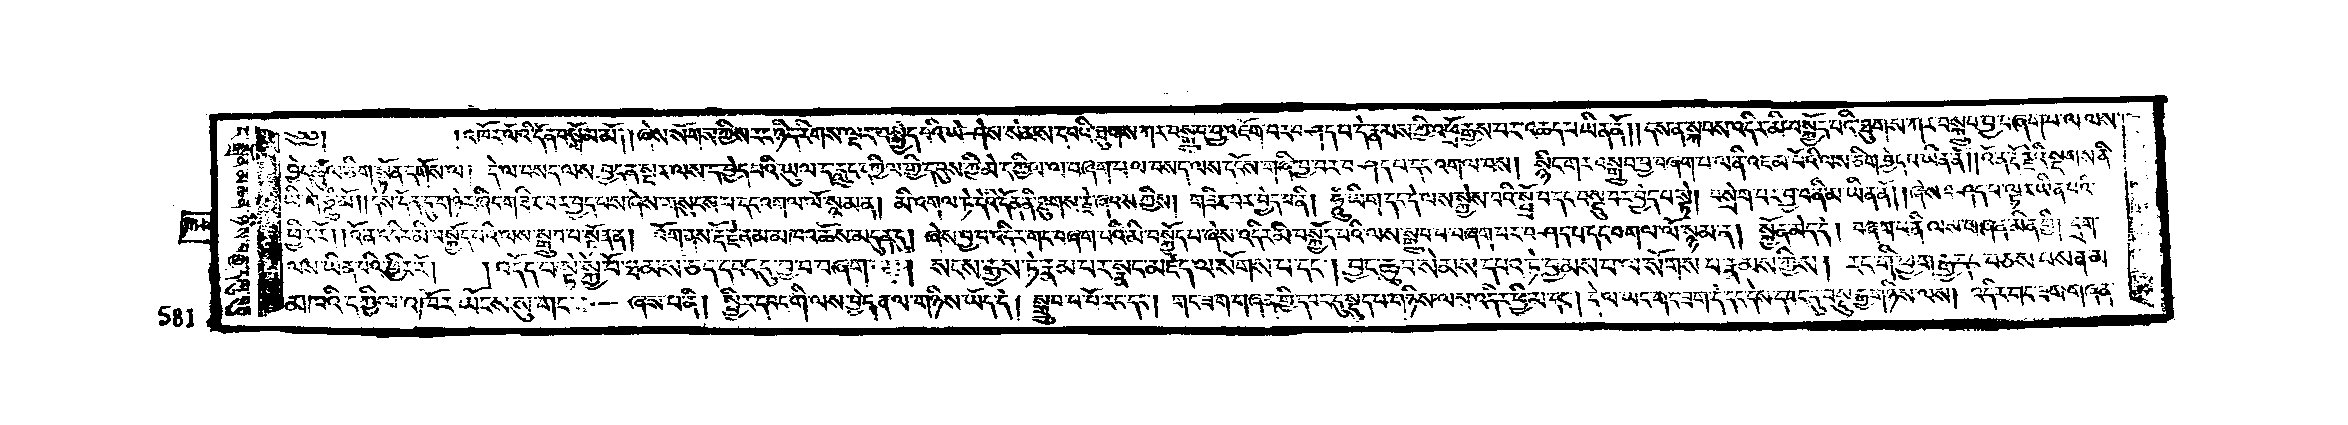༄༅། །འཁོར་ལོའི་དོན་བསྒོམ་མོ། །ཞེས་སོགས་ཀྱིས་རང་ཉིད་རིགས་ལྔར་བསྐྱེད་པའི་ཡེ་ཤེས་སེམས་དཔའི་ཐུགས་ཀར་བསྒྲུབ་བྱ་འཇོག་པར་བཤད་པ་དེ་རྣམས་ཀྱི་འཕྲོ་རྒྱས་པར་འཆད་པ་ཡིན་ནོ། །དེས་ན་སྐབས་འདིར་མི་བསྐྱོད་པའི་ཐུགས་ཀར་བསྒྲུབ་བྱ་བཞག་པ་ལ་ལས་
བྱེད་ཚུལ་ཅིག་སྟོན་དགོས་ལ། དེ་ལ་བསད་ལས་བྱད་ན་སྔར་ལས་དེ་བྱེད་པའི་ཡུལ་དེ་རླུང་དཀྱིལ་གྱི་དབུས་ཀྱི་མེ་དཀྱིལ་ལ་བཞག་པ་ལ་བསད་ལས་དངོས་གཞི་བྱ་བར་བཤད་པ་དང་འགལ་བས། སྙིང་གར་བསྒྲུབ་བྱ་བཞག་པ་ལ་ནི་འཇམ་པོའི་ལས་ཅིག་བྱེད་པ་ཡིན་ནོ། །འོ་ན་རྡོ་རྗེའི་སྔགས་ནི་
ཡི་གེ་ཧཱུཾ་མོ། །ངེས་དོན་དུ་གཉེར་ཞིང་གཟིར་བར་བྱད་པས་ཞེས་གསུངས་པ་དང་འགལ་ལོ་སྙམ་ན། མི་འགལ་ཏེ་དེའི་དོན་ནི་ཐུགས་རྗེ་ཞབས་ཀྱིས། གཟིར་བར་བྱེད་པ་ནི། ཧཱུཾ་ཡིག་དང་དེ་ལས་སྐྱེས་པའི་སྤྲོ་བ་དང་བསྡུ་བར་བྱེད་པ་སྟེ། བསྲེག་པར་བྱ་བ་ནི་མ་ཡིན་ནོ། །ཞེས་བཤད་པ་ལྟར་ཡིན་པའི་
ཕྱིར་རོ། །འོ་ན་འདིར་མི་བསྐྱོད་པའི་ལས་སྒྲུབ་པ་སྟོན་ན། འོག་ནས་རྡོ་རྗེ་ནམ་མཁའ་ཆོས་མདུན་དུ། ཞེས་བྱ་བ་འདིར་གང་ཞག་པའི་མི་བསྐྱོད་པ་ཞེས་འདིར་མི་བསྐྱོད་པའི་ལས་སྒྲུབ་པ་བཞག་པར་བཤད་པ་དང་འགལ་ལོ་སྙམ་ན། སྐྱོན་མེད་དེ། བཞག་པ་ནི་ལས་གཞན་མིན་གྱི། དྲག་
ལས་ཡིན་པའི་ཕྱིར་རོ། .H འདོད་པ་སྟེ་སྐྱེ་བོ་ཐམས་ཅད་དབང་དུ་བྱ་བ་བཞག། སངས་རྒྱས་ཏེ་རྣམ་པར་སྣང་མཛད་ལ་སོགས་པ་དང་། བྱང་ཆུབ་སེམས་དཔའ་ཏེ་བྱམས་པ་ལ་སོགས་པ་རྣམས་ཀྱིས། རང་གི་ཕྱག་རྒྱ་དང་བཅས་པས་ནམ་
མཁའི་དཀྱིལ་འཁོར་ཡོངས་སུ་གང་H.་ཞས་པ་ནི། སྤྱིར་དབང་གི་ལས་བྱེད་ལ་གཉིས་ཡོད་དེ། སྒྲུབ་པ་པོ་རང་དང་། གང་ཟག་གཞན་གྱི་དབང་དུ་སྡུད་པ་གཉིས་ལས་འདིར་ཕྱི་མ་དང་། དེ་ལ་ཡང་གང་ཟག་དེ་དང་དེས་དབང་དུ་བསྡུ་རྒྱུ་གཉིས་ལས། འདིར་གང་ཟག་གཞན་